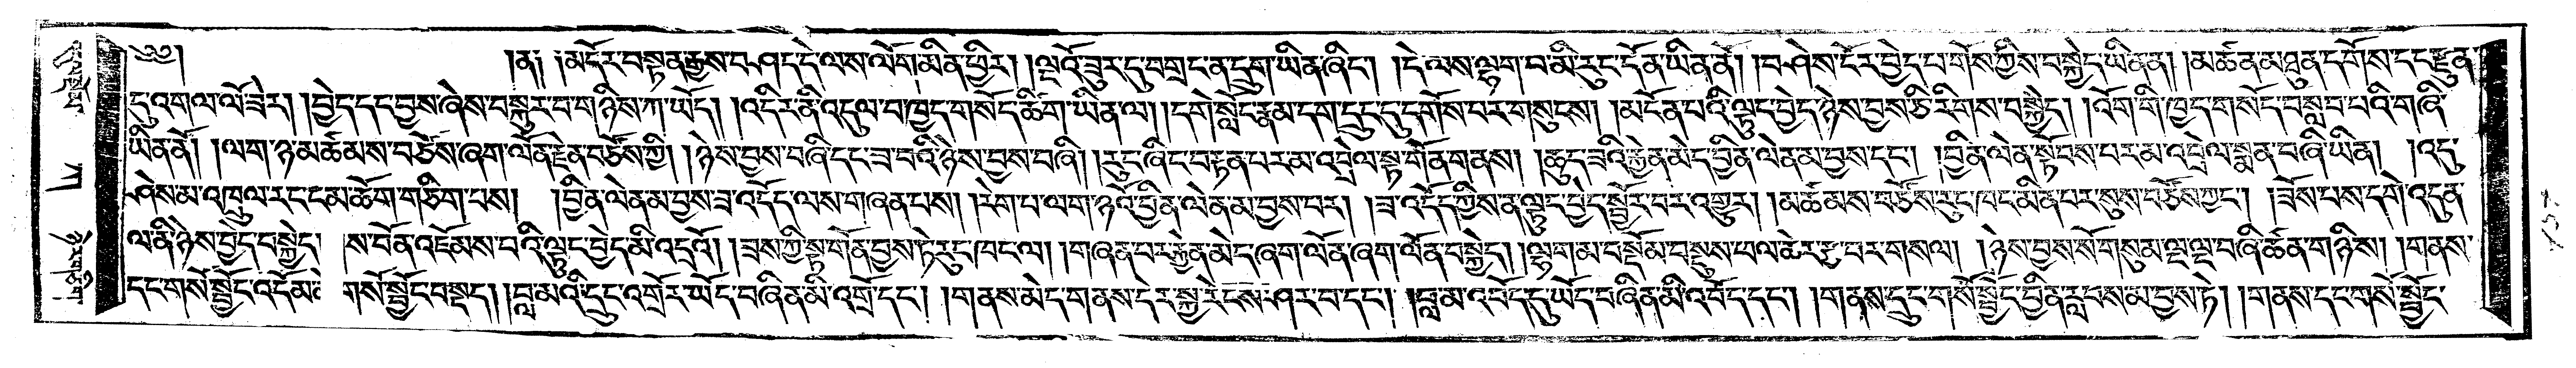༄༅། །ན༑ ༑མདོར་བསྟན་རྒྱས་བཤད་དེ་ལས་ལོག་མིན་ཕྱིར། །ལྔའོ་ཟུར་དུ་བགྲང་ན་དྲུག་ཡིན་ཞིང་། །དེ་ལས་ལྷག་པ་མི་རུང་དོན་ཡིན་ནོ། །བཤེས་ངོར་བྱེད་པ་གོས་ཀྱིས་བསྐྱེད་ཡིན་ན། །མཚན་མཐུན་དགོས་དང་རྫུན་
དུ་འགལ་ལོ་ཟེར། །བྱེད་དང་བྱས་ཞེས་བསྐུར་བ་གཉིས་ཀ་ཡོད། །འདིར་ནི་འདུལ་བ་ཁྱད་གསོད་ཚིག་ཡིན་ལ། །དགེ་སློང་རྣམ་དག་དྲུང་དུ་དགོས་པར་གསུངས། །མངོན་པའི་ལྟུང་བྱེད་ཉེས་བྱས་ཅི་རིགས་བསྐྱེད། །འོག་གི་ཁྱད་གསོད་བསླབ་པའི་གཞི་
ཡིན་ནོ། །ལག་ཉ་མཚམས་བཙོས་ཞག་ལོན་རྗེན་བཙོས་ཀྱི། །ཉེས་བྱས་བཞི་དང་ཟ་བའི་ཉེས་བྱས་བཞི། །རུང་ཞིང་བརྟན་པར་མ་འབྲེལ་སྟ་གོན་གནས། །ཆུད་ཟའི་རྐྱེན་མེད་བྱིན་ལེན་མ་བྱས་དང་། །བྱིན་ལེན་སྟོབས་པར་མ་འབྲེལ་སྨན་བཞི་ཡིན། །འདུ་
ཤེས་མ་འཁྲུལ་རང་ངམ་ཆོག་གཅིག་པས། །བྱིན་ལེན་མ་བྱས་ཟ་འདོད་ལས་གཞན་པས། །རེག་པ་ལག་ཉའོ་བྱིན་ལེན་མ་བྱས་པར། །ཟ་འདོད་ཀྱིས་ན་ལྟུང་བྱེད་སྦྱོར་བར་འགྱུར། །མཚམས་བཙོས་རུང་ཁང་མིན་པར་སུས་བཙོས་ཀྱང་། །ཟོས་པས་དགེ་འདུན་
ལ་ནི་ཉེས་བྱེད་བསྐྱེད། །ས་བོན་འཇོམས་བའི་ལྟུང་བྱེད་མི་འདྲའོ། །ཟས་ཀྱི་སྟ་གོན་བྱས་ཏེ་རུང་ཁང་ལ། །གཞན་པར་རྐྱེན་མེད་ཞག་ལོན་བསྐྱེད། །ལྷག་མ་བསྔོམ་བསྡུས་ཕལ་ཆེར་རྩ་བར་གསལ། །ཉེས་བྱས་སོ་གསུམ་ལྔ་ལྔ་བཞི་ཚན་གཉིས། །གནས་
དང་གསོ་སྦྱོང་འདོམ་ཚེ་གསོ་སྦྱོང་བསྡད། །བླ་མའི་དྲུང་འགྲོར་ཡོད་བཞིན་མི་འགྲོ་དང་། །གནས་མེད་གནས་དེར་སྐྱ་རེངས་ཤར་བ་དང་། །བླ་མ་འབོད་དུ་ཡོད་བཞིན་མི་འབོད་དང་། །གནས་དྲུང་གསོ་སྦྱོང་བྱིན་རླབས་མ་བྱས་ཏེ། །གནས་དང་གསོ་སྦྱོང་